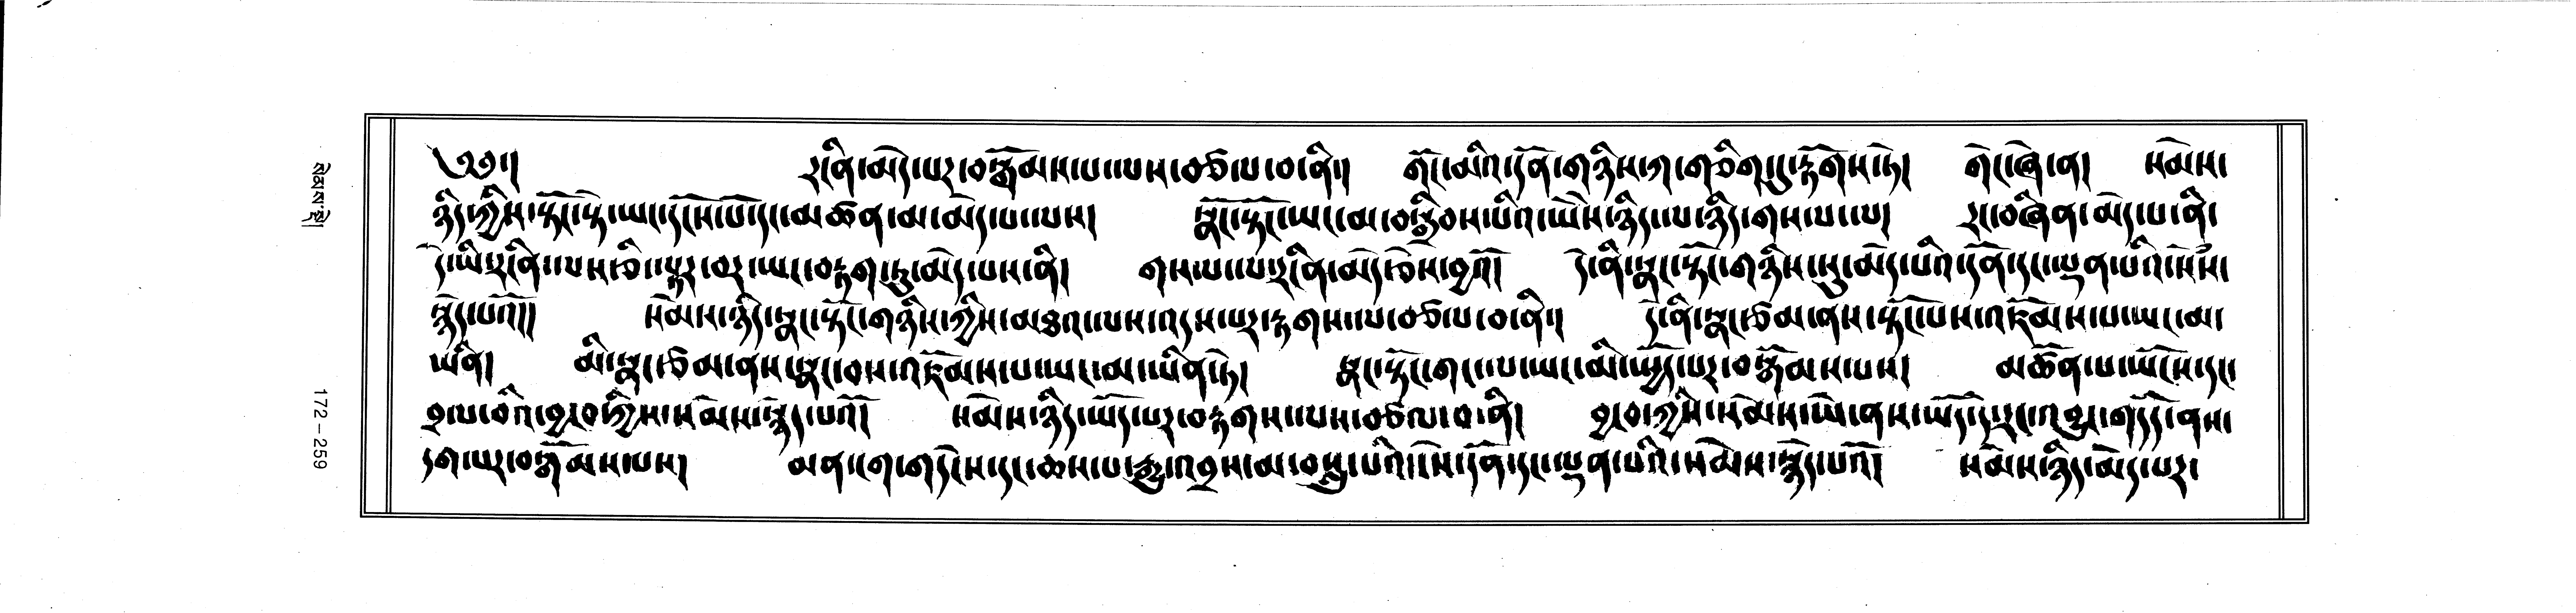རང་བཞིན་མེད་པར་བསྒོམས་པ་ལས་བཙལ་བ་ནི། གོང་མའི་དོན་གཉིས་ཀ་གཅིག་དུ་རྟོགས་ཏེ། གང་ཞེ་ན། སེམས་
ཉིད་ཀྱིས་སྟོང་སྟེ་ཡང་དངོས་པོ་དང་མཚན་མ་མེད་པ་ལས། སྣང་སྟོང་ཡང་མ་བསྒྲིབས་པའི་ཡེ་ཤེས་ཉིད་ལ་ཉིད་གསལ་ལ། རང་བཞིན་མེད་པ་ནི་
དེ་ཡི་རང་བཞིན་ལས་ཅི་ལྟར་བར་ཡང་བརྟགས་ཏུ་མེད་པས་ནི། གསལ་ལ་རང་བཞིན་མེད་ཅེས་བྱའོ། དེ་ནི་སྣང་སྟོང་གཉིས་སུ་མེད་པའི་དོན་དང་ལྡན་པའི་སེམས་
རྙེད་པའོ། སེམས་ཉིད་སྣང་སྟོང་གཉིས་ཀྱིས་མཐའ་ལས་འདས་པར་བརྟགས་ལ་བཙལ་བ་ནི། དེ་ནི་སྣང་ཙམ་ནས་སྟོང་པས་འཇོམས་པ་ཡང་མ་
ཡིན། མི་སྣང་ཙམ་ནས་སྣང་བས་འཇོམས་པ་ཡང་མ་ཡིན་ཏེ། སྣང་སྟོང་གང་ལ་ཡང་མི་སྤྱོད་པར་བསྒོམས་པས། མཚོན་པ་ཡོངས་དང་
བྲལ་བའི་བྱང་ཆུབ་ཀྱིས་སེམས་རྙེད་པའོ། སེམས་ཉིད་ཡོད་པར་བརྟགས་ལས་བཙལ་བ་ནི། བྱང་ཆུབ་ཀྱིས་སེམས་ཡེ་ནས་ཡོད་དེ་རང་འབྱུང་གདོད་ནས་
དག་པར་བསྒོམས་པས། མན་ངག་གདེང་དང་ཆས་པ་རྒྱུ་འབྲས་མ་བསླུ་པའི་ངེས་དོན་དང་ལྡན་པའི་སེམས་རྙེད་པའོ། སེམས་ཉིད་མེད་པར་